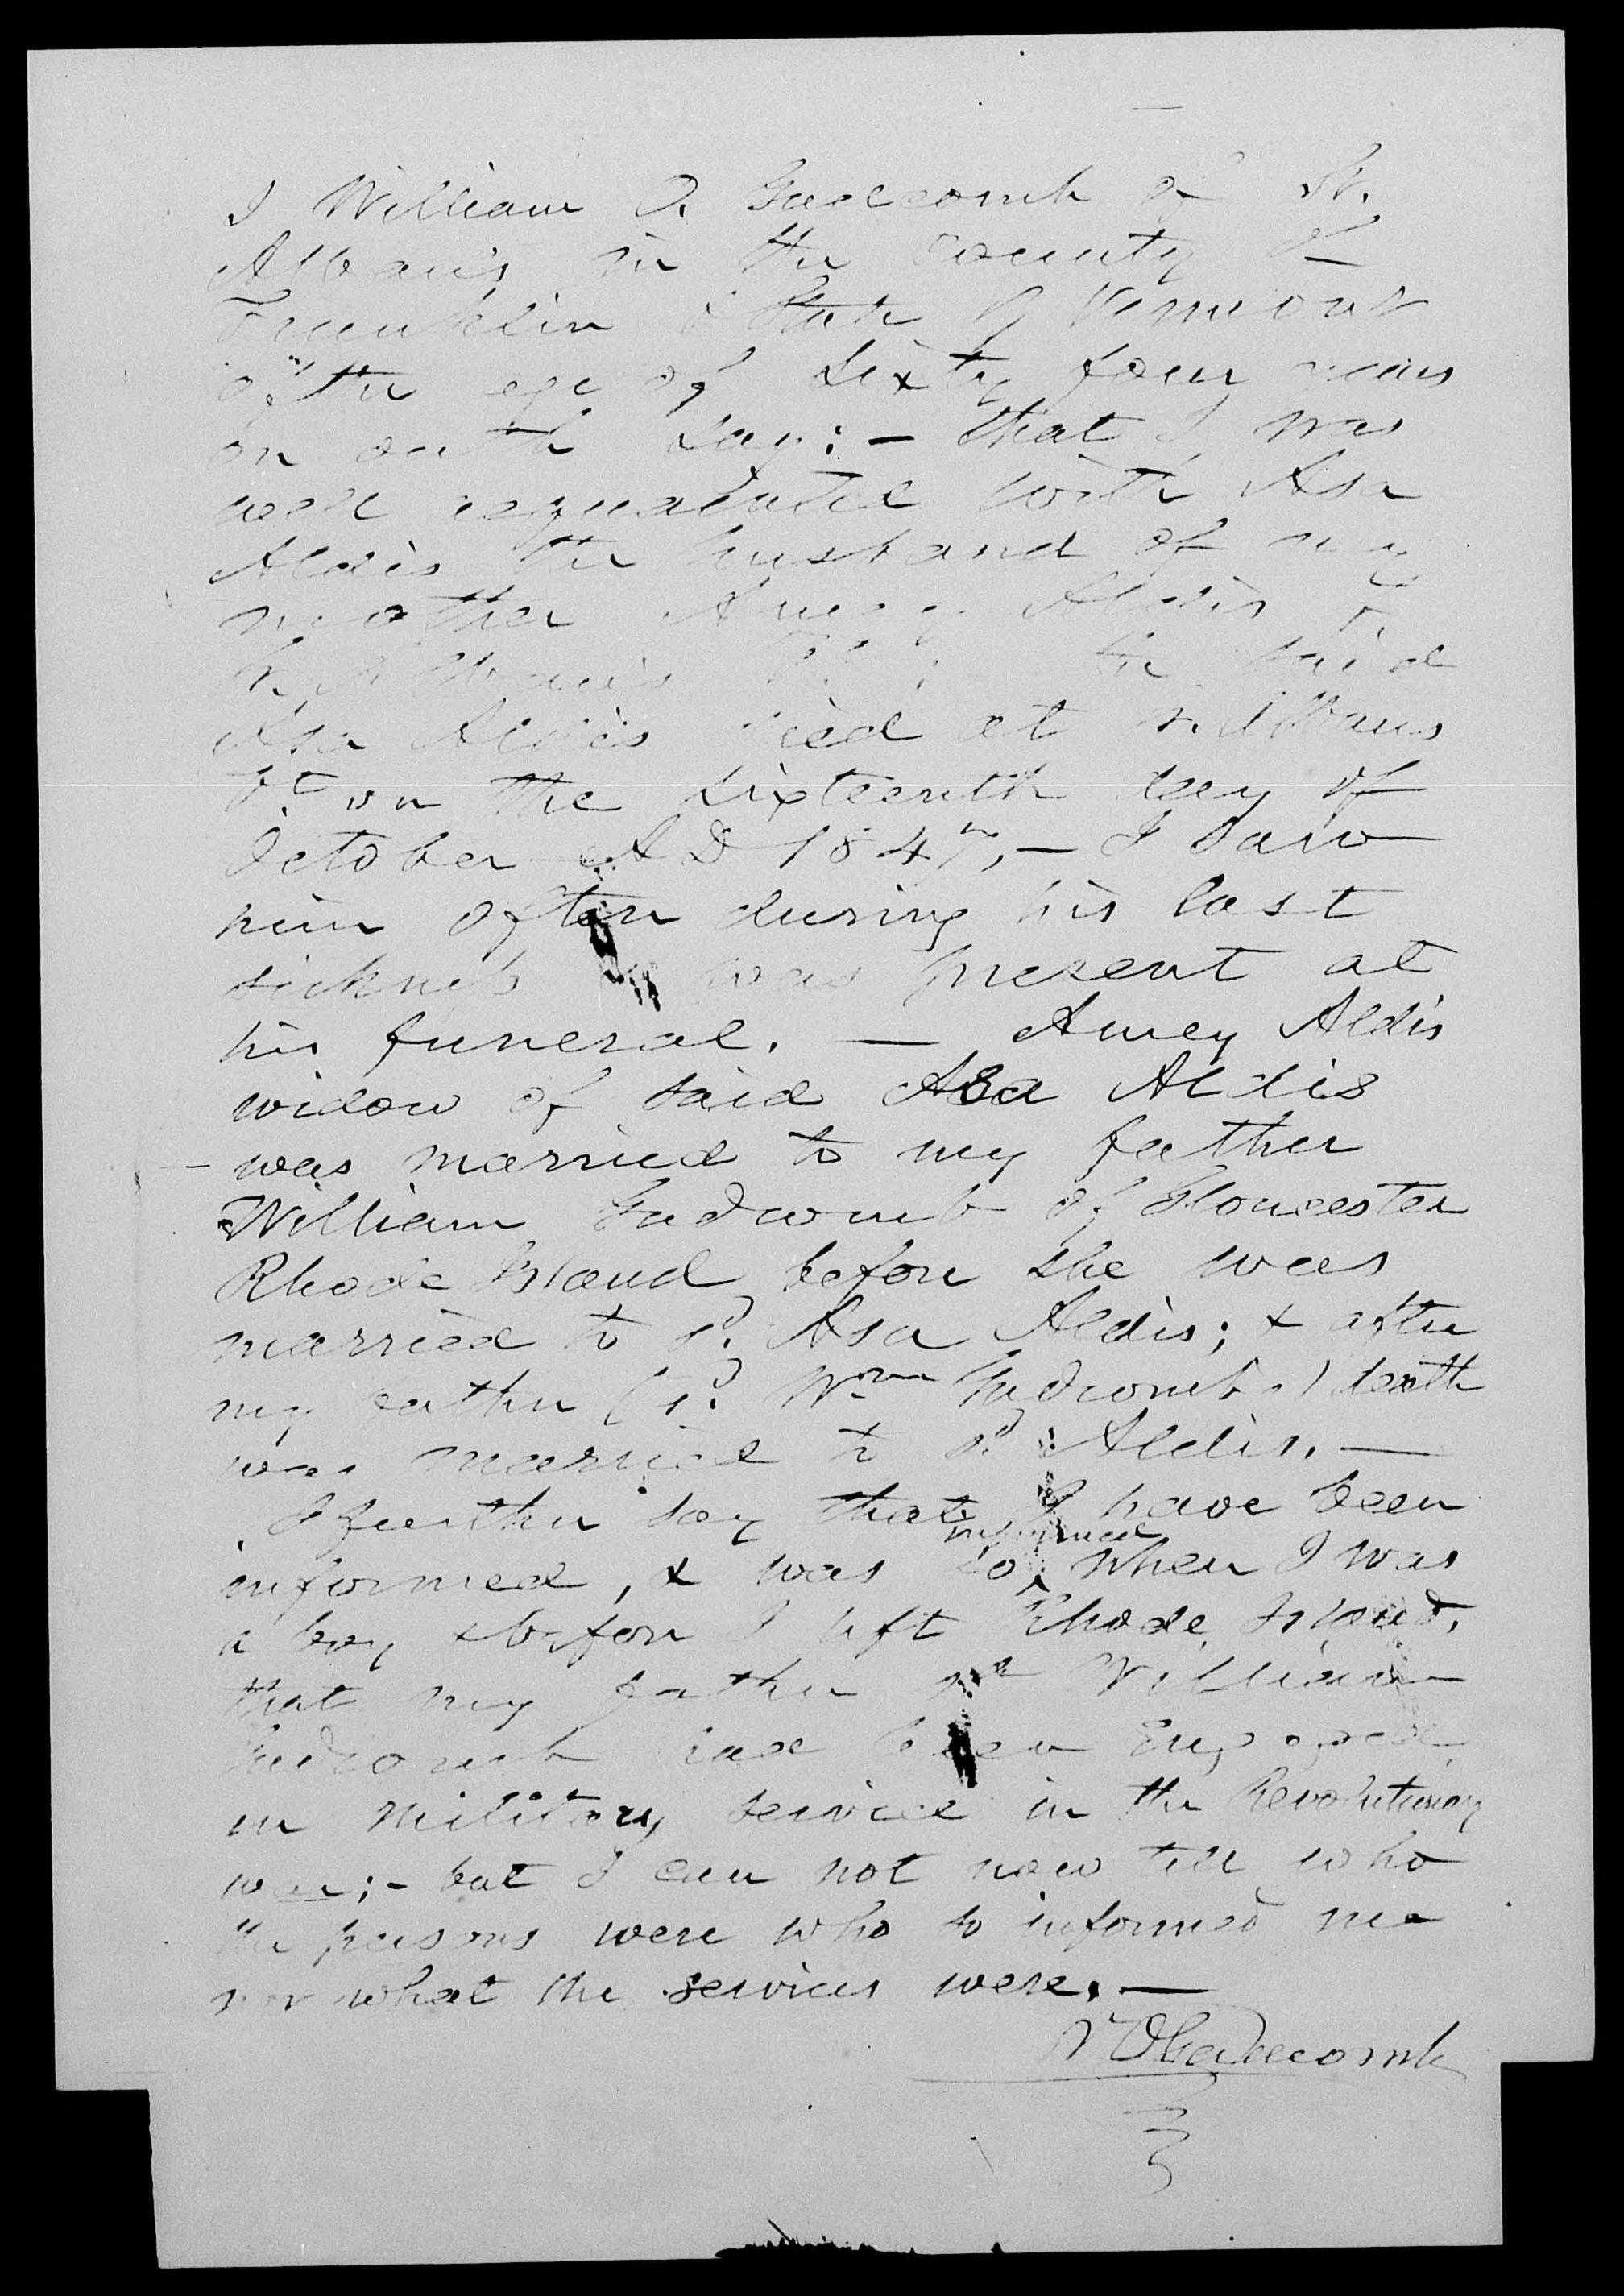I William O. Gadcomb of St. 
Albans in the County of
Franklin State of Vermont
of the age of sixty four years
on oath say:- that I was
well acquainted with Asa
Aldis the husband of my mother
Amey Aldis  [illegible]
The said Asa Aldis died at St. Albans
on the sixteenth day of
October A.D. 1847,-- I saw
him after during his last
sickness & was present at
his funeral.-
Amey Aldis
widow of said Asa Aldis
was married to my father
William Gadcomb of Gloucester
Rhode Island before she was
married to sd Asa Aldis; & after
my father sd.William Gadcomb’s death 
was married to sd. Aldis,-
I further say that I have been
informed, & was so informed when I was a
boy before I left Rhode Island,
that my father sd. William
Gadcomb had been engaged 
in military service in the Revolutionary war; 
but I can not now tell who
the persons were who who informed me
nor what the services were.
W. Owen Gadcomb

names: William Gadcomb, Asa Aldis, Asa Aldis, Asa Aldis, William Gadcomb, W O Gadcomb, Aldis, Asa Aldis, William O Gadcomb, Amey Aldis, Wm Gadcomb, Amey Aldis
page: 13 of 76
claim: widow's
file: W. 15,517, William Gadcomb, R.I.